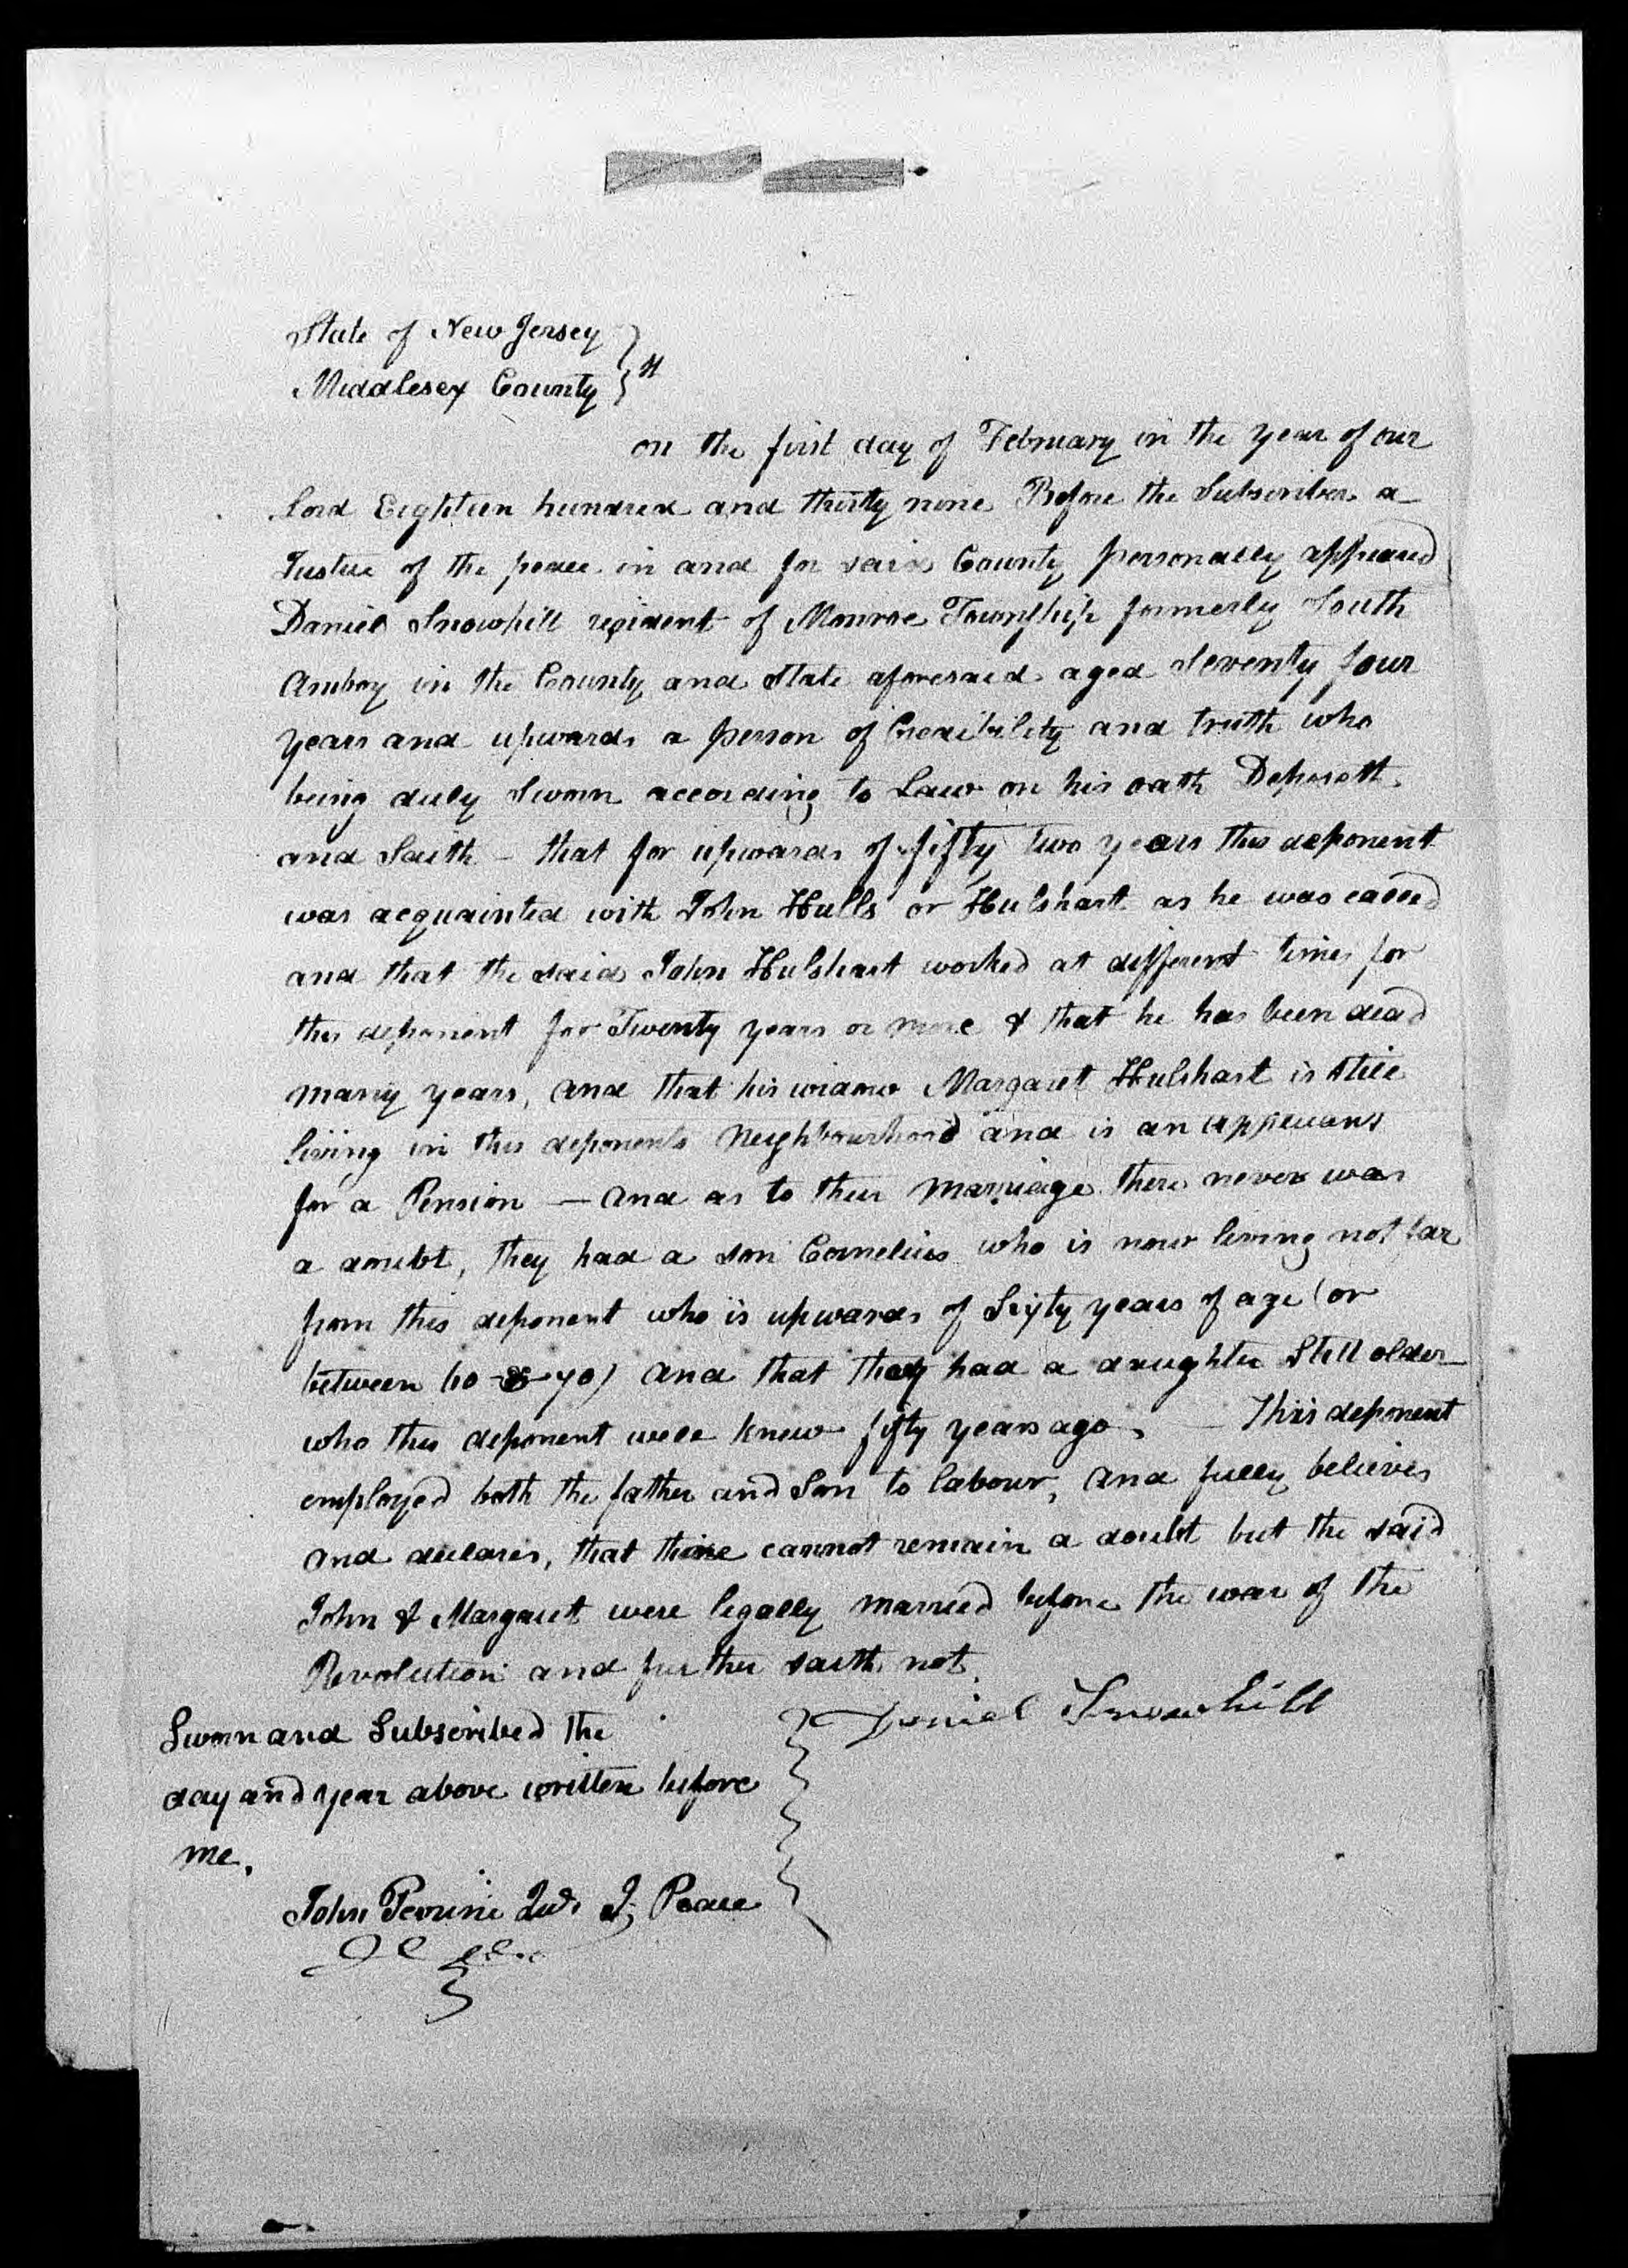State of New Jersey
Middlesex County    H.
On the first day of February in the year of our Lord Eighteen hundred and thirty nine.  Before the Subscribers a Justice of the peace- in and for said County personally approved Daniel Snowhill resident of Monroe Township formerly South Amboy in the County and State aforesaid aged Seventy four years and upwards a person of Credibility and truth who being duly Sworn according to Law on his oath Deposeth and Saith that for upwards of fifty two years this deponent was acquainted with John Hulls or Hulshart as he was called and that the said John Hulshart worked at different times for the deponent for Twenty years or more & that he has been dead many years, and that his widow Margaret Hulshart is still living in the deponents neighborhood and is an applicant for a Pension - and as to their marriage there never was a doubt, they had a son Cornelius who is now living not far from this deponent who is upwards of Sixty years of age (or between 60 - & -70 ) and that they had a daughter Still older who this deponent will knew fifty years ago.  - This deponent employed both the father and Son to labour, and fully believes and declares, that time cannot remain a doubt but the said John & Margaret were legally married before he was of the Revolution and further saith not.  
Daniel Snowhill

Sworn and Subscribed the
day and year above written before me
John Teoune  Jur. J. Peace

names: John Hulshart, John Perrine, John Hulls, Margaret Hulshart, Daniel Snowhill, Cornelius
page: 29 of 34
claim: widow's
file: W. 940, John Hulshart, New Jersey